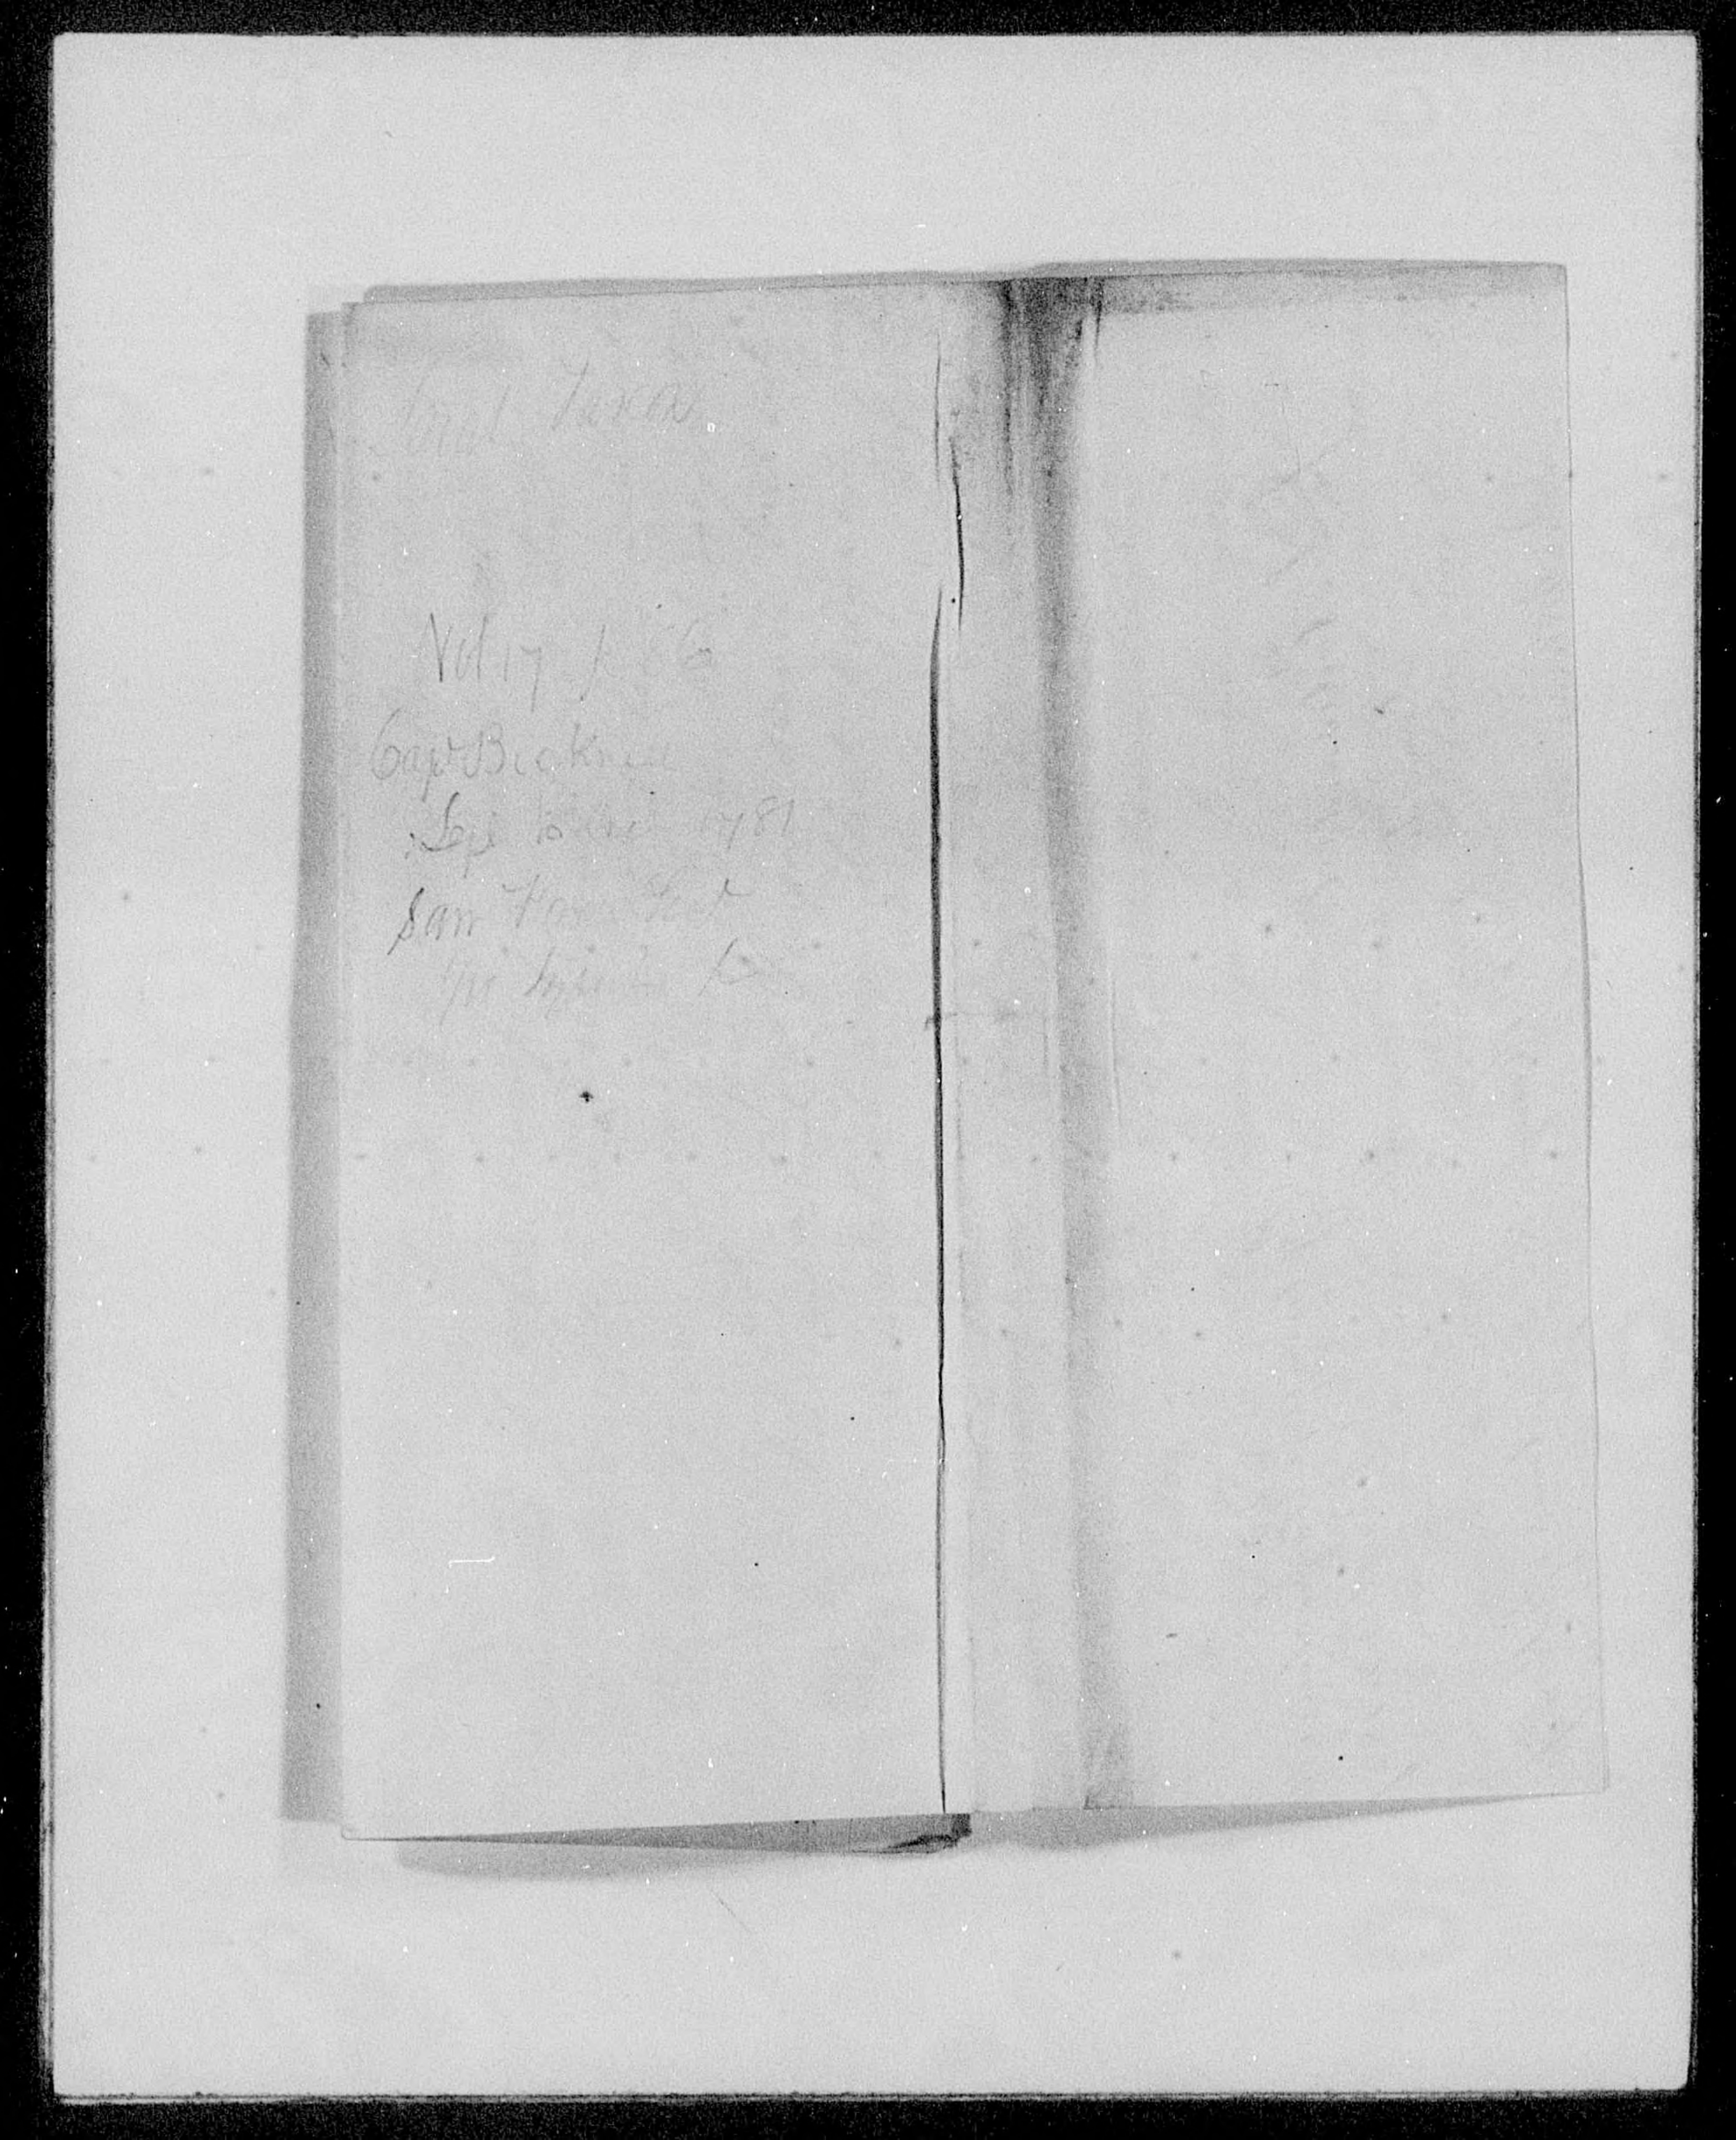Vol 17 [illegible] 86
Cap Bishnell
Sept. to [illegible] 1781
Sam F [illegible] 
[illegible]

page: 42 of 47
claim: widow's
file: W. 14703, Elisha Faxon, Mass